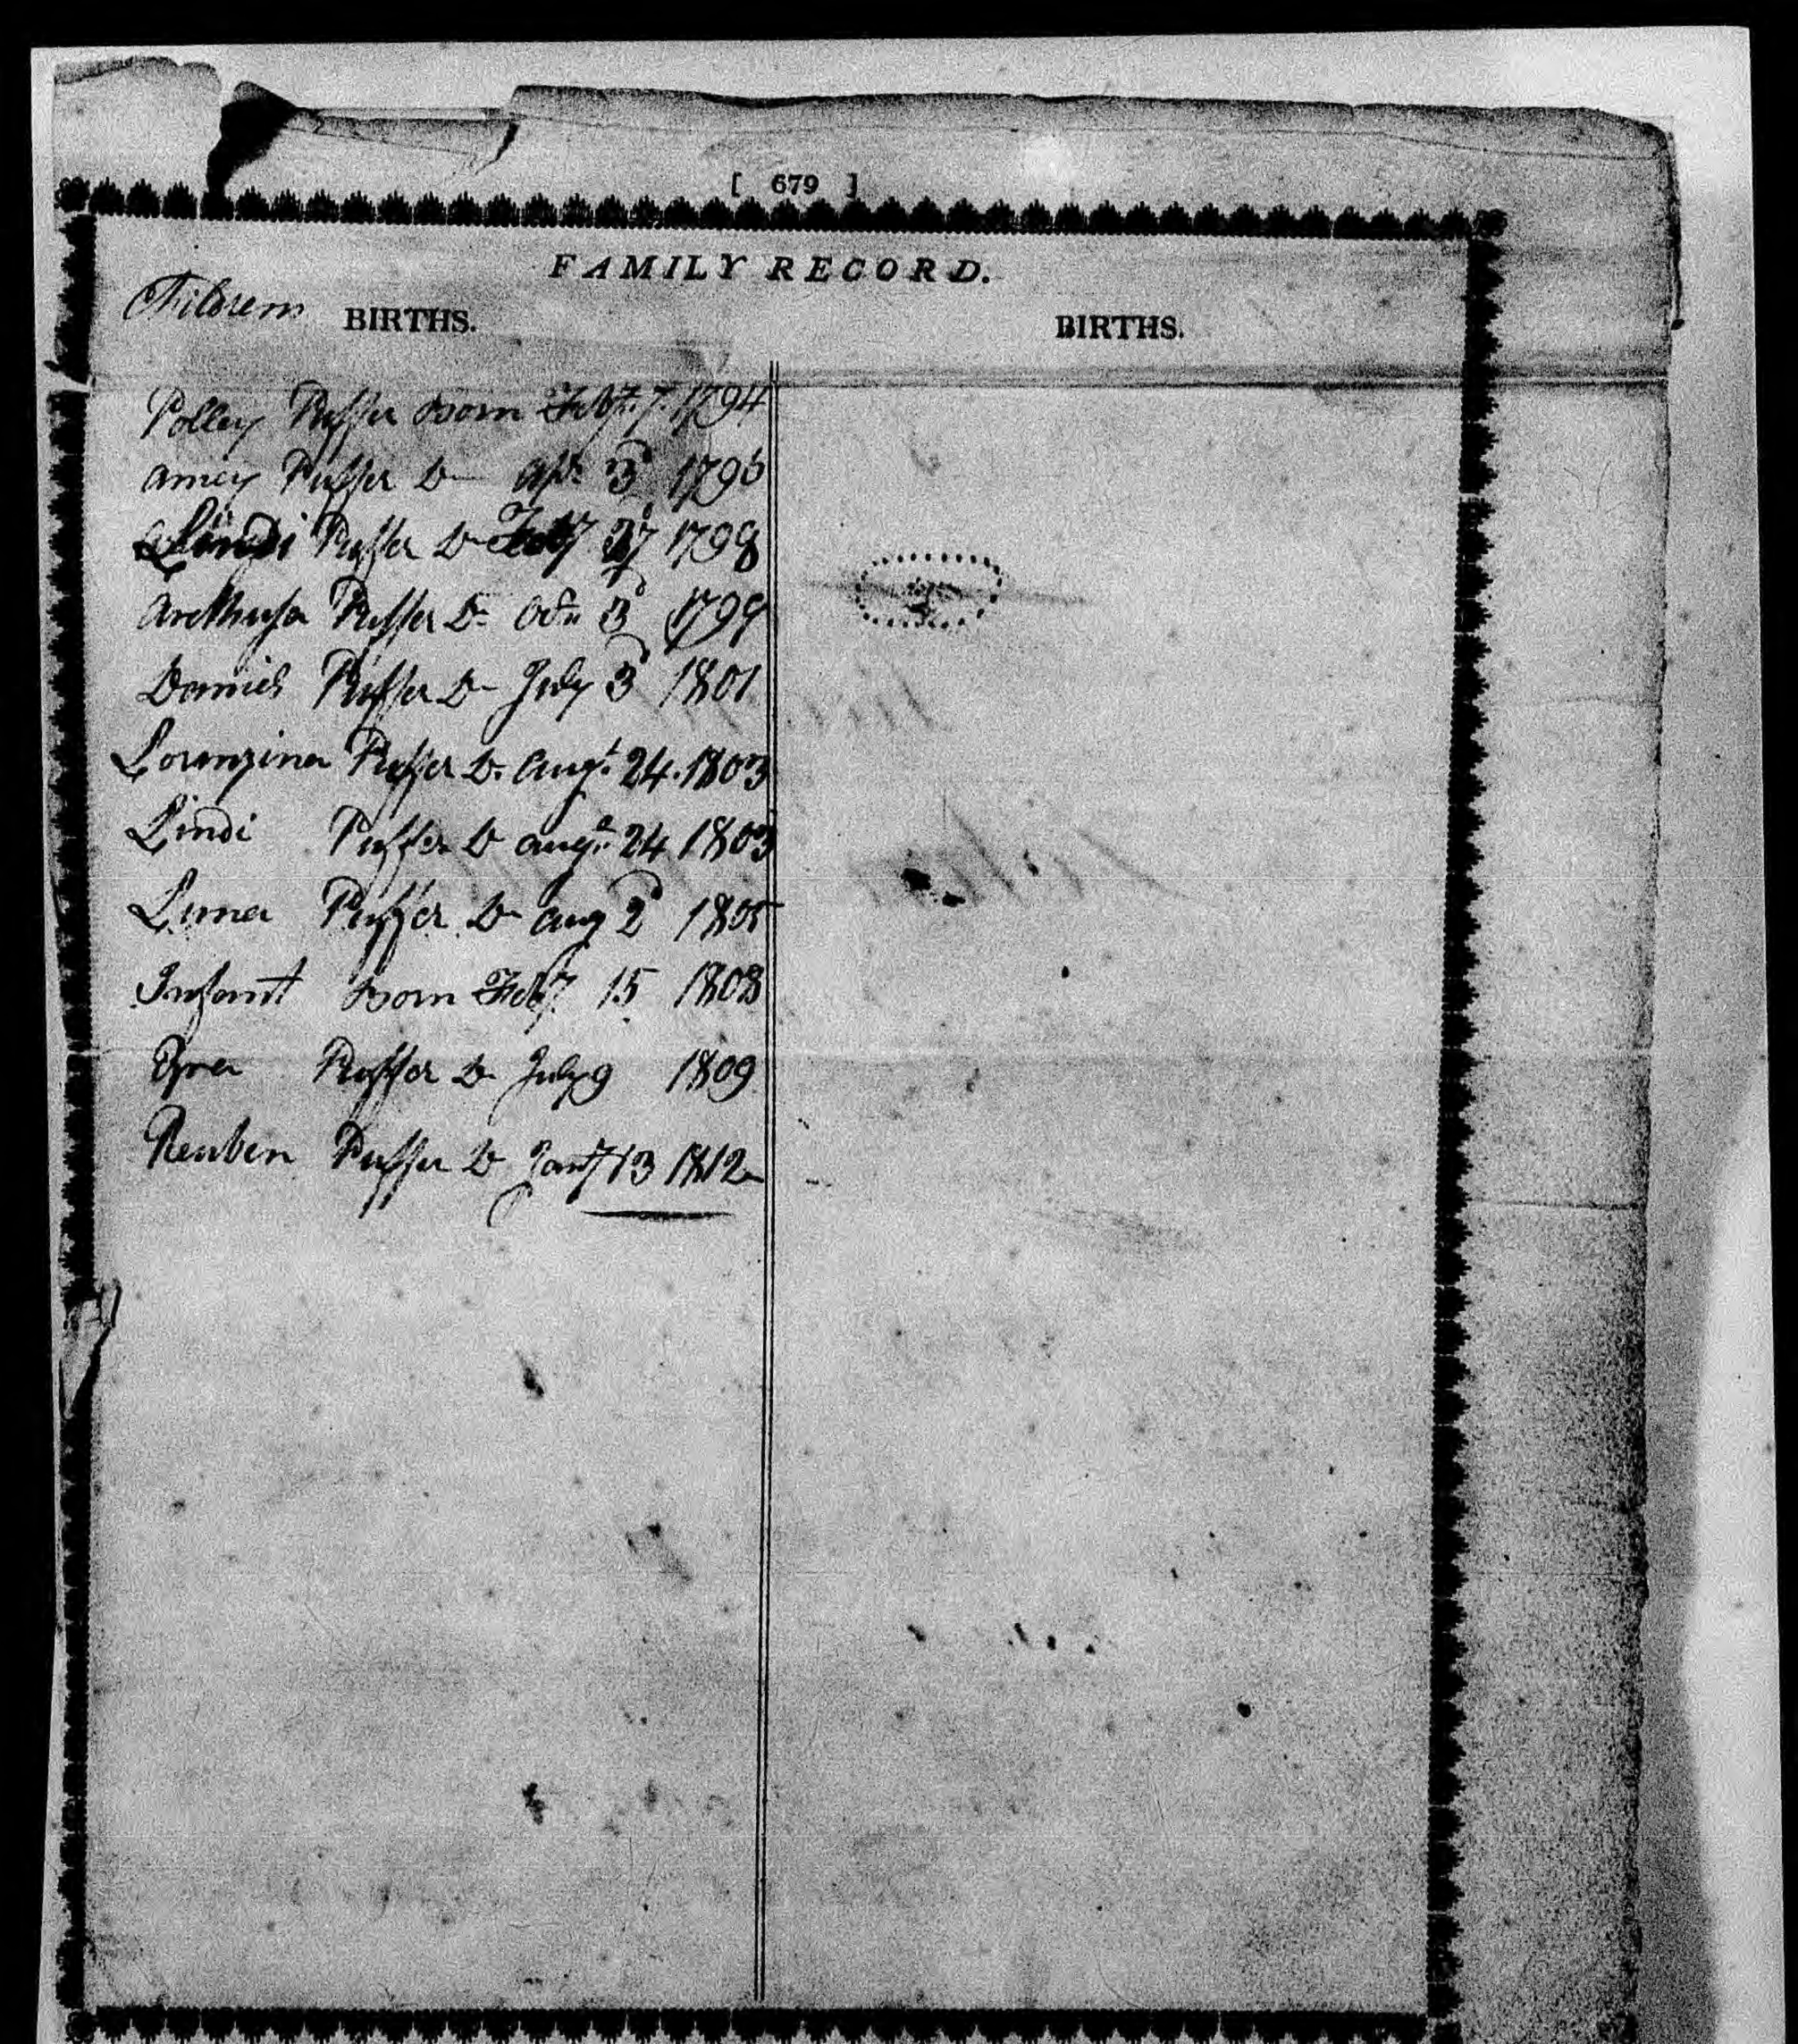[679]
FAMILY RECORD. 
Children BIRTHS.
Polley Piffer Born Feby. 7. 1794
Amey Piffer B Apr. 3d 1796
Linda Piffer born Feb [illegible] 1798 
[illegible] Piffer B. Oct, 3 1799
Daniel Piffer B. July 3d 1801 
Loranzino Piffer b. Augt. 24. 1803
Lindi Piffer b. Augt. 24. 1803 
Limer Piffer b. Aug. 2d 1805
Infant born Feb. 15 1808
[illegible] Piffer b. July 9 1809 
Reuben Piffer b. Jany 13 1812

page: 8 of 50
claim: widow's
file: W. 4253, for John Kent, Vermont